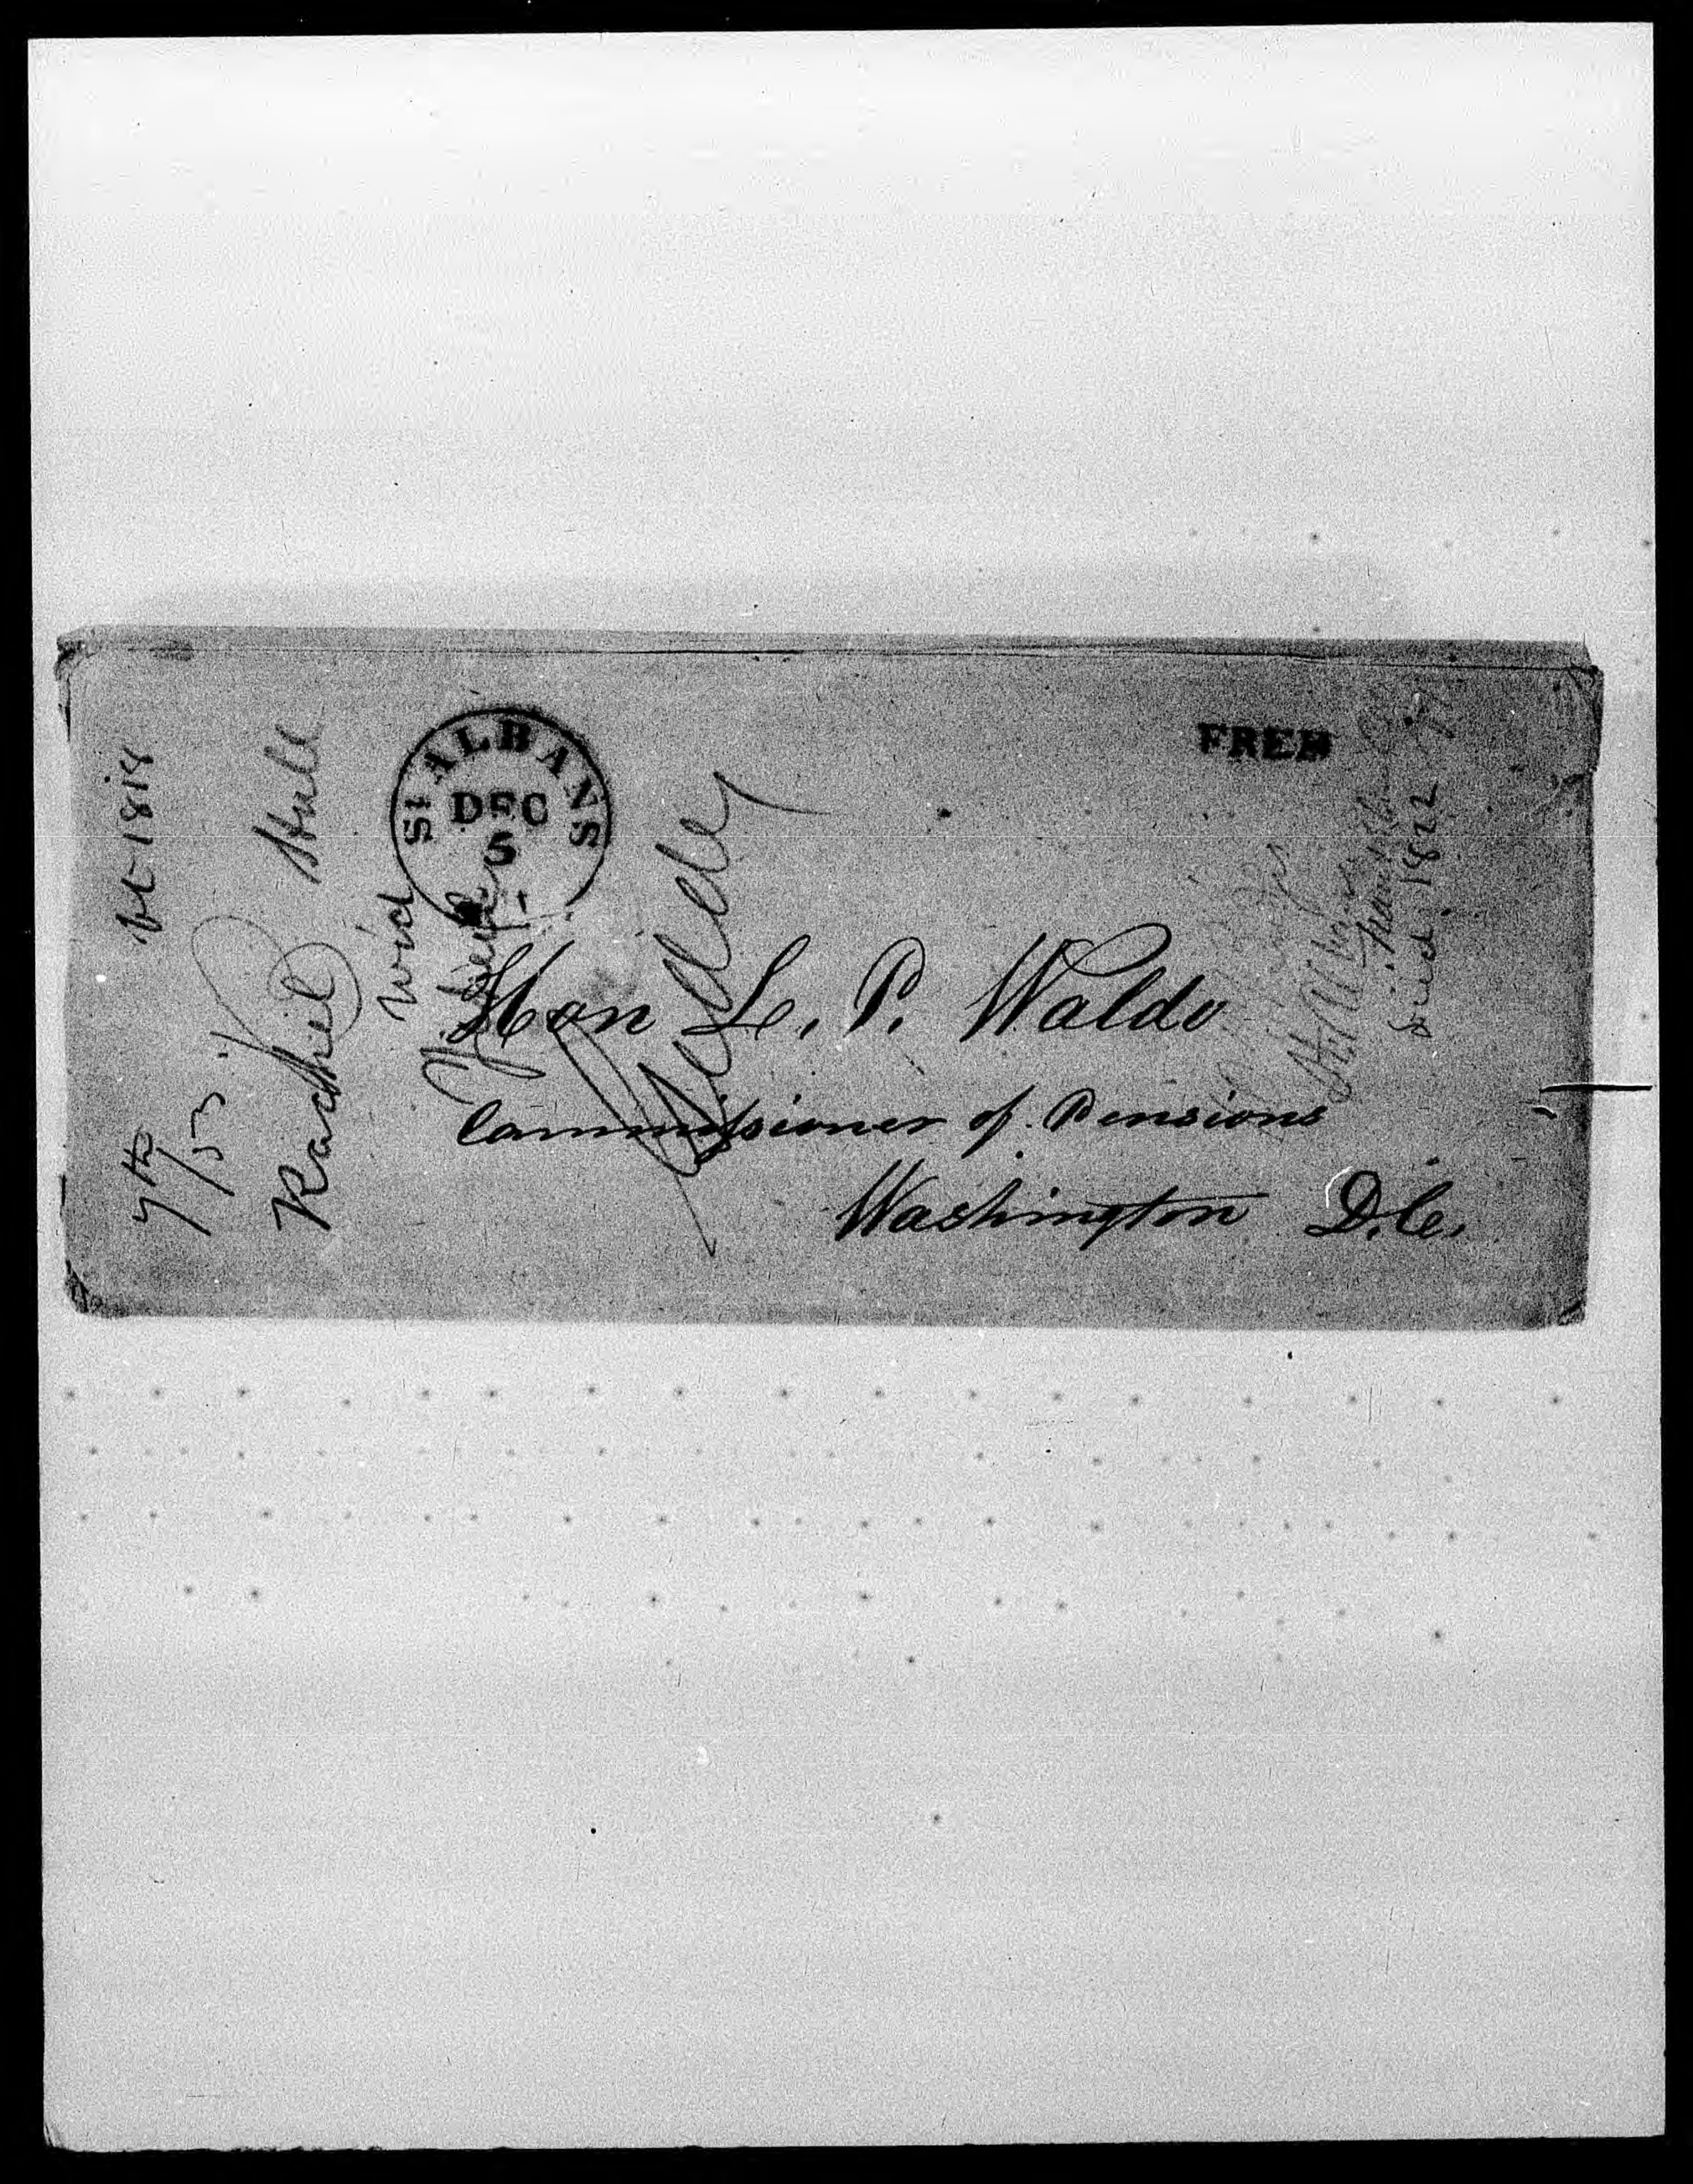ILLEGIBLE ILLEGIBLE1818
Rachel Hull
St. Albans Dec 5
Hon L.P. Waldo Commissioner of Pensions 
Washington D.C.
ILLEGIBLE 1822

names: L P Waldo, Rachel Hull, Jehiel Hull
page: 30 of 58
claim: widow's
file: W. 25813, Jehiel Hull, Conn.